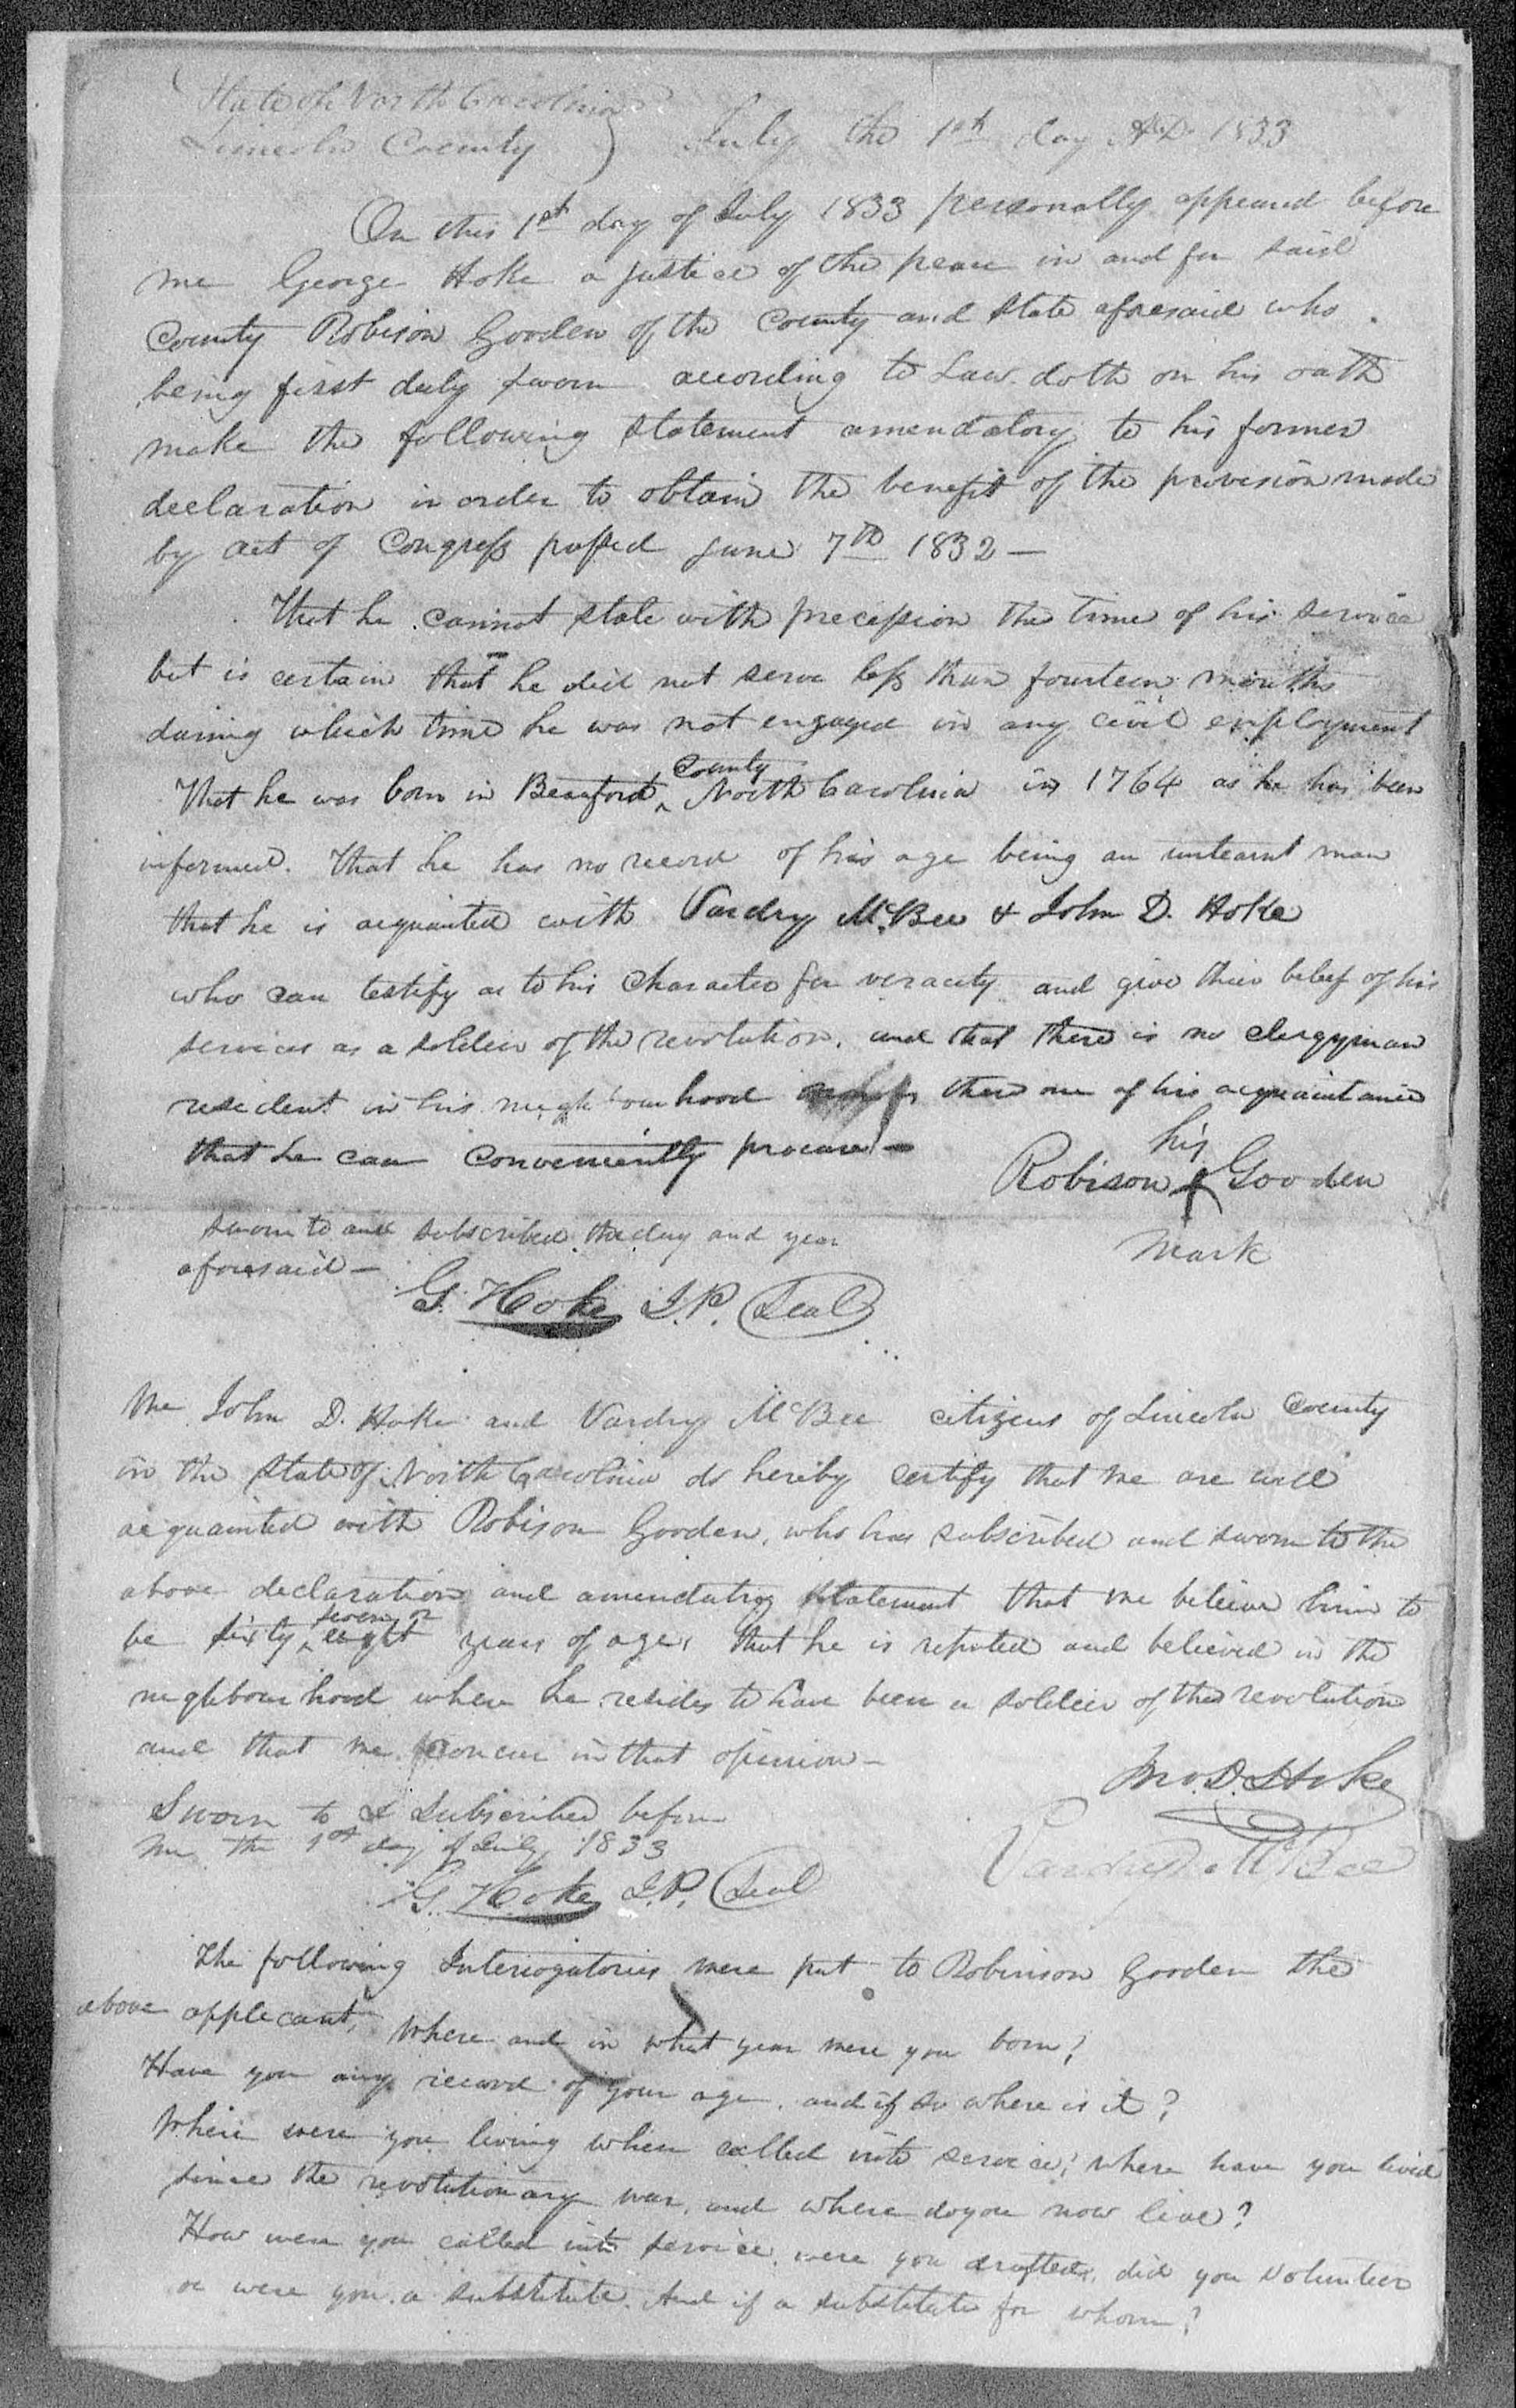State of North Carolina
in County
July the 1st day AD 1833
On this 1st day of July 1833 personally appeared before
me George Hoke a justice of the peace in and for said
County Robison Gooden of the County and State aforesaid who
being first duly sworn according to Law doth on his oath
make the following statement amendatory to his former
declaration in order to obtain the benefit of the provision made
by act of Congress passed June 7th 1832-
that he cannot state with precession the time of his service
but is certain that he did not serve less than fourteen months
during which time he was not engaged in any civil employment
that he was born in Beforth Carolina in 1764 as he has been
informed that he has no record of his age being an unlearnt man
that he is acquainted with Purdy M. Bee & John D. Hoke
who can testify as to his character for veracity and give their belief of his
services as a soldier of the revolution, and that there is no clergyman
resident in his neighbourhood of there one of his acquaintance
that he can conveniently procure
his
Robison Gooden
Sworn to and subscribed the day and year
G. Hoke J.P. 
aforesaid-
Mark
the John D. Hoke and Vardy McBee citizens of Lincoln County
in the State of North Carolina do hereby certify that we are well
acquainted with Robison Gooden, who has subscribed and sworn to the
above declaration and amendatory statement that we believe him to
be sixty
years of age, that he is reputed and believed in the
neighborhood where he resides to have been a soldier of the revolution
and that we concur in that opinion-
Sworn to & subscribed before
M.D. Hoke
on the 1st day of July 1833
G. Hoke J.P. 
and
2
The following Interrogatories were put to Robinson Gooden the
8
above applicant, where and in what year were you born?
Have you any record of your age and if so where is it?
Where were you living when called into service; where have you lived
since the revolutionary war, and where do you now live?
How were you called into service were you drafted did you volunteer
or were you a substitute. And if a substitute for whom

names: G Hoke, Robison Gooden, George Hoke, Vardry Mc Bee, Jno D Hoke, Vardry Mc Bee, Robison Gooden, John D Hoke, Robison Gooden, G Hoke, Robinson Gooden, John D Hoke, Vardry Mc Bee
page: 5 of 16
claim: survivor's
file: S. 6,894, Robison Goodwin, N.C.